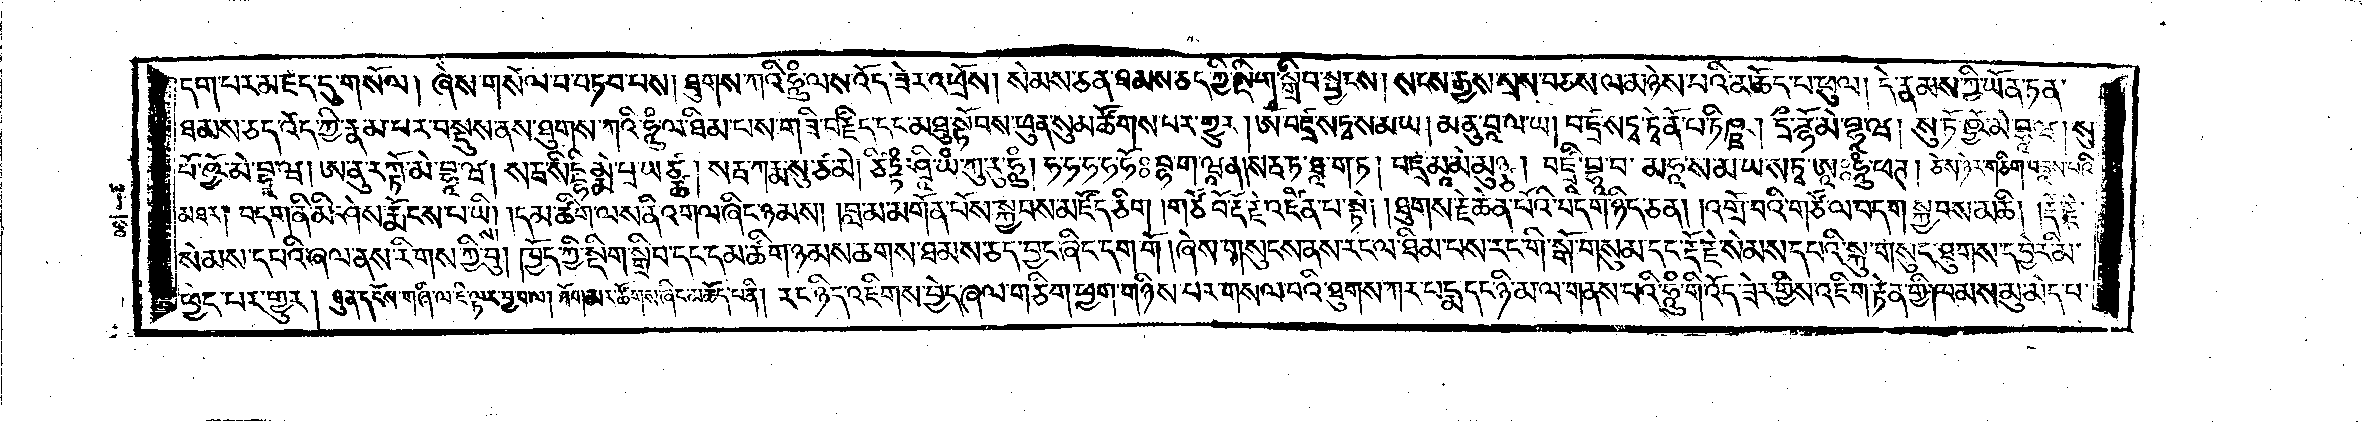དག་པར་མཛད་དུ་གསོལ། ཞེས་གསོལ་བ་བཏབ་པས། ཐུགས་ཀའི་ཧཱུཾ་ལས་འོད་ཟེར་འཕྲོས། སེམས་ཅན་ཐམས་ཅད་ཀྱི་སྡིག་སྒྲིབ་སྤྱངས། སངས་རྒྱས་སྲས་བཅས་ལ་མཉེས་པའི་མཆོད་པ་ཕུལ། དེ་རྣམས་ཀྱི་ཡོན་ཏན་
ཐམས་ཅད་འོད་ཀྱི་རྣམ་པར་བསྡུས་ནས་ཐུགས་ཀའི་ཧཱུཾ་ལ་ཐིམ་པས་གཟི་བརྗོད་དང་མཐུ་སྟོབས་ཕུན་སུམ་ཚོགས་པར་གྱུར། ཨོཾ་བཛྲ་ས་ཏྭ་ས་མ་ཡ། མནུ་བཱ་ལ་ཡ། བཛྲ་སཏྭ་ཏྭེ་ནོ་པ་ཏིཥཊཿཨ། དྲྀ་ཌཿཨོ་མེ་བྷཱ་ཝ། སུ་ཏོ་ཥྱོ་མེ་བྷ་ཝ། སུ་
པོ་ཥྱོ་མེ་བྷཱ་ཝ། ཨ་ནུ་རཀྟོ་མེ་བྷཱ་ཝ། སརྦ་སིདྡྷི་མེ་པྲ་ཡཙྪ། སརྦ་ཀརྨ་སུ་ཙ་མེ། ཙིཏྟཾ་ཤྲཱི་ཡཾ་ཀུ་རུ་ཧཱུཾ། ཧ་ཧ་ཧ་ཧ་ཧོཿ བྷ་ག་ཝཱ་ན། སརྦ་ཏ་ཐཱ་ག་ཏ། བཛྲ་མཱ་མེ་མུཉྩ། བཛྲཱི་བྷཱ་བ་མྷཱ་ས་མ་ཡ་ས་ཏྭ་ཨཱཿ ཧཱུཾ་ཕཊ། ཅེས་ཉེར་གཅིག་བཟླས་པའི་
མཐར། བདག་ནི་མི་ཤེས་རྨོངས་པ་ཡིས། །དམ་ཚིག་ལས་ནི་འགལ་ཞིང་ཉམས། །བླ་མ་མགོན་པོས་སྐྱབས་མཛོད་ཅིག །གཙོ་བོ་རྡོ་རྗེ་འཛིན་པ་སྟེ། །ཐུགས་རྗེ་ཆེན་པོའི་བདག་ཉིད་ཅན། །འགྲོ་བའི་གཙོ་ལ། བདག་སྐྱབས་མཆིག། །རྡོ་རྗེ་
སེམས་དཔའི་ཞལ་ནས་རིགས་ཀྱི་བུ། ཁྱོད་ཀྱི་སྡིག་སྒྲིབ་དང་དམ་ཚིག་ཉམས་ཆགས་ཐམས་ཅད་བྱང་ཞིང་དག་གོ། ཞེས་གསུངས་ནས་རང་ལ་ཐིམ་པས་རང་གི་སྒོ་གསུམ་དང་རྡོ་རྗེ་སེམས་དཔའི་སྐུག་སུང་ཐུགས་དབྱེར་མི་
ཕྱེད་པར་གྱུར། ཐུན་དངོས་གཞི་ལ་ཇི་ལྟར་བྱ་བ་ལ། ཐོག་མར་ཚོགས་ཞིང་མཆོད་པ་ནི། རང་ཉིད་འཇིགས་བྱེད་ཞལ་གཅིག་ཕྱག་གཉིས་པར་གསལ་བའི་ཐུགས་ཀར་པདམ་དང་ཉི་མ་ལ་གནས་པའི་ཧཱུཾ་གི་འོད་ཟེར་གྱིས་འཇིག་རྟེན་གྱི་ཁམས་མུ་མེད་པ་